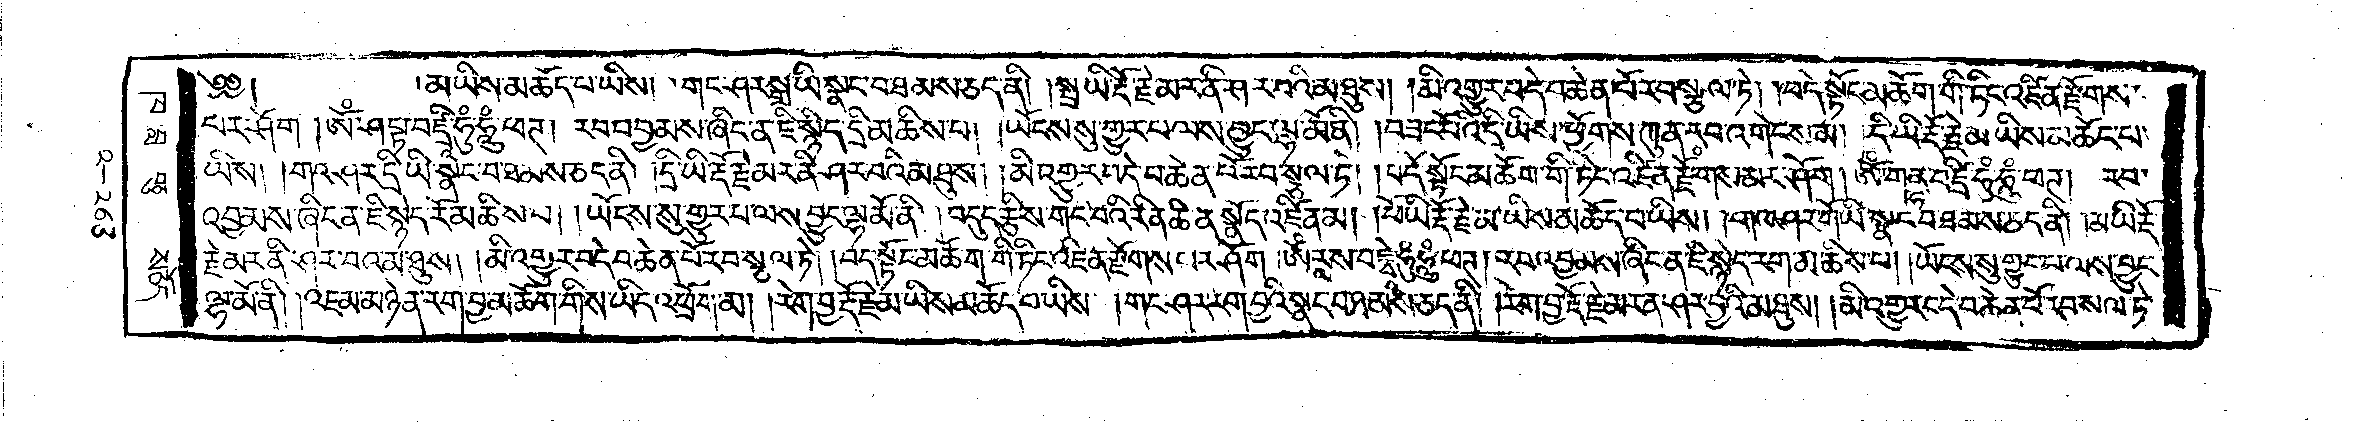༄༅། །མ་ཡིས་མཆོད་པ་ཡིས། །གང་ཤར་སྒྲ་ཡི་སྣང་བ་ཐམས་ཅད་ནི། །སྤྲ་ཡི་རྡོ་རྗེ་མར་ནི་ཤར་བའི་མཐུས། །མི་འགྱུར་བདེ་བ་ཆེན་པོར་བསྩལ་ཏེ། །བདེ་སྟོང་མཆོག་གི་ཏིང་འཛིན་རྫོགས་
པར་ཤོག །ཨོཾ་ཤཔྟ་བཛྲཱི་ཧུཾ་ཧཱུཾ་ཕཊ། རབ་བ་བྱམས་ཞིང་ན་ཇི་སྙིད་དྲི་མཆིས་པ། །ཡོངས་སུ་གྱུར་པ་ལས་བྱུང་ལྷ་མོ་ནི། །བཟང་པོའི་འདྲི་ཡིས་ཕྱོགས་ཀུན་རབ་འགེངས་མ། །དི་ཡི་རྡོ་རྗེ་མ་ཡིས་མཆོང་པ།
ཡིས། །གའ་ཤར་དྲི་ཡི་སྣང་བ་ཐམས་ཅད་ནི། །དྲི་ཡི་རྡོ་རྗེ་མར་ནི་ཤར་བའི་མཐུས། །མི་འགྱུར་བདེ་བ་ཆེན་པོ་རབ་སྩལ་ཏེ། །བདོ་སྟོང་མཆོག་གི་ཏིང་འཛིན་རྫོགས་མར་ཤོག། ཨོཾ་གནྷ་བཛྲི་ཧུཾ་ཧུཾ་ཕཊ། རབ་
འབྱམས་ཞིང་ན་ཇི་སྙེད་རོ་མཆིས་པ། །ཡོངས་སུ་གྱུར་པ་ལས་བྱུང་ལྷ་མོ་ནི། །བདུད་རྩིས་གང་བའི་རིན་ཆེན་སྣོད་འཛིན་མ། །ཕོ་ཡི་རྡོ་རྗེ་མ་ཡིས་མཆོད་པ་ཡིས། །གལ་ཤར་གོ་ཡི་སྣང་བ་ཐམས་ཅད་ནི། །མ་ཡི་རྡོ་
རྗེ་མར་ནི་ཤར་བའམ་ཐུས། །མི་འགྱུར་བདེ་བ་ཆེན་པོ་རབ་སྩལ་ཏེ། །བདེ་སྟོང་མཆོག་གི་ཏིང་འཛིན་རྫོགས་པར་ཤོག །ཨོཾ་རཱས་བཛྭེ་ཧུཾ་ཧཱུཾ་ཕཊ། རབ་འབྱམས་ཞིང་ན་ཇི་སྙེད་རག་མཆིས་པ། །ཡོངས་སུ་གྱུར་པ་ལས་བྱུང་
ལྷ་མོ་ནི། །འཇམ་མཉེན་རག་བྱ་མཆོག་གིས་ཡིད་འཕྲོག་མ། །རེག་བྱ་རྡོ་རྗེ་མ་ཡིས་མཆོད་བ་ཡིས་།གང་ཤར་རག་བྱའི་སྣང་བ་ཐམས་ཅད་ནི། །རེག་བྱ་རྡོ་རྗེ་མར་ན་ཤར་བྱའི་མཐུས། །མི་འགྱུར་བདེ་བ་ཆེན་པོ་རབ་སལ་ཏེ་